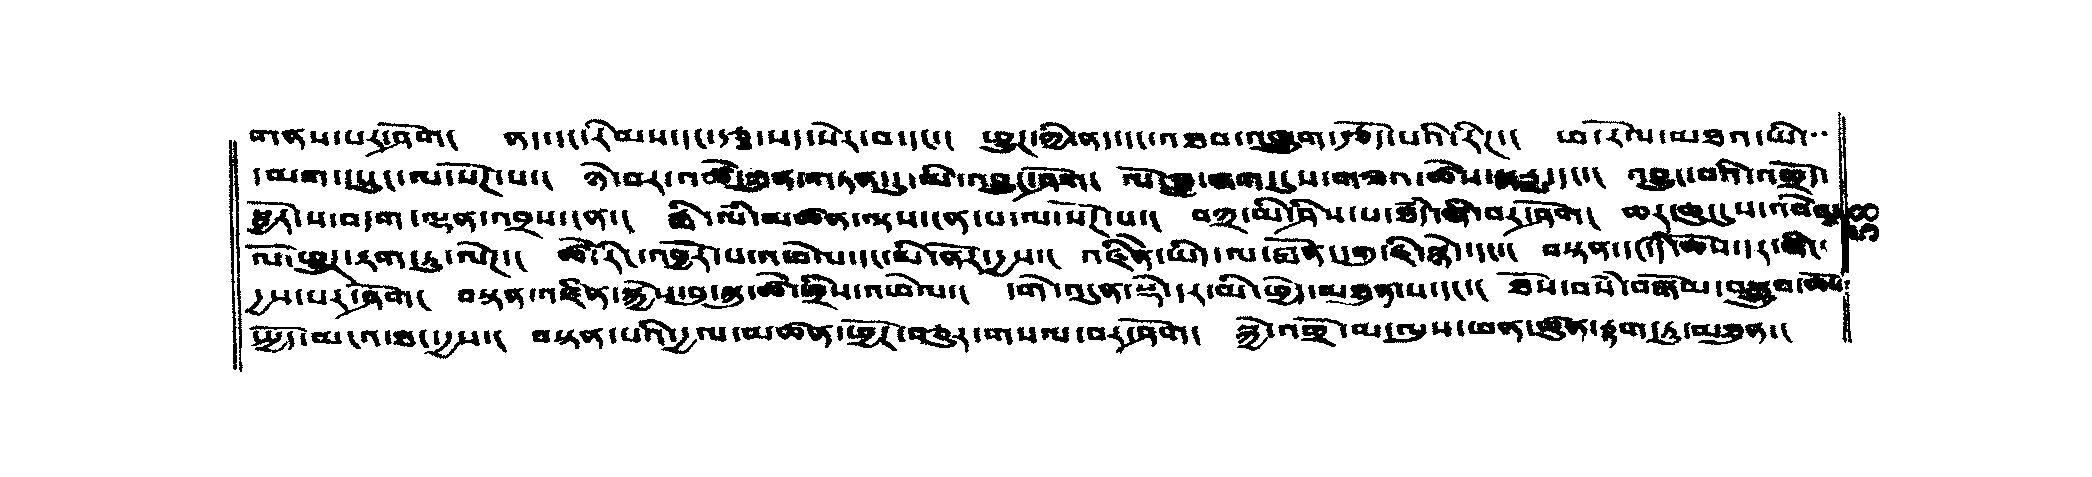གནས་པར་ཤོག །ནད་དང་རིམས་དང་རྩ་སད་སེར་བ་དང་། །ཕྱུགས་ཀྱི་ནད་དང་འཐབ་འཁྲུག་རྩོད་པའི་རིགས། །ཕ་རོལ་མཐའ་ཡི་
དམག་དཔུང་ལ་སོགས་པ། །ཉེ་བར་འཚེ་ཀུན་གཏན་དུ་མི་འབྱུང་ཤོག །ལོ་ཟླ་ཞག་དུས་གཟའ་ཚེས་སྐར་མ་དང་། །འབྱུང་བའི་འཕྲོད་
སྦྱོར་ས་བདག་ལྡན་འབྲས་ངན། །རྨི་ལམ་མཚན་ལྟས་ངན་པ་ལ་སོགས་པ། །བཀྲ་མི་ཤིས་པ་ཐམས་ཅད་ཞི་བར་ཤོག །ཆར་ཆུ་དུས་འབེབས་
ལོ་ཕྱུགས་རྟག་ཏུ་ལེགས། །ཚེ་རིང་འབྱོར་པ་འཕེལ་དང་མི་ནོར་རྒྱས། །འཇིག་རྟེན་ཡིད་ལ་སྨོན་དགུ་ཇི་སྙེད་དང་། །བསྟན་དང་དམ་ཆོས་དར་ཞིང་
རྒྱས་པར་ཤོག །བསྟན་འཛིན་སྐྱེས་བུའི་སྐུ་ཚེ་ཕྲིན་ལས་འཕེལ། །དགེ་འདུན་སྡེ་དར་མི་ཕྱེད་མཐུན་པ་དང་། །ཐོས་བསམ་བསྒོམ་བསྒྲུབ་ཆོས་
སྤྱོད་མངའ་ཐང་རྒྱས། །བསྟན་པའི་རྒྱལ་མཚན་ཕྱོགས་བཅུར་གསལ་བར་ཤོག །སྐྱེ་འགྲོ་མ་ལུས་ཕན་ཚུན་རྟག་ཏུ་མཐུན།